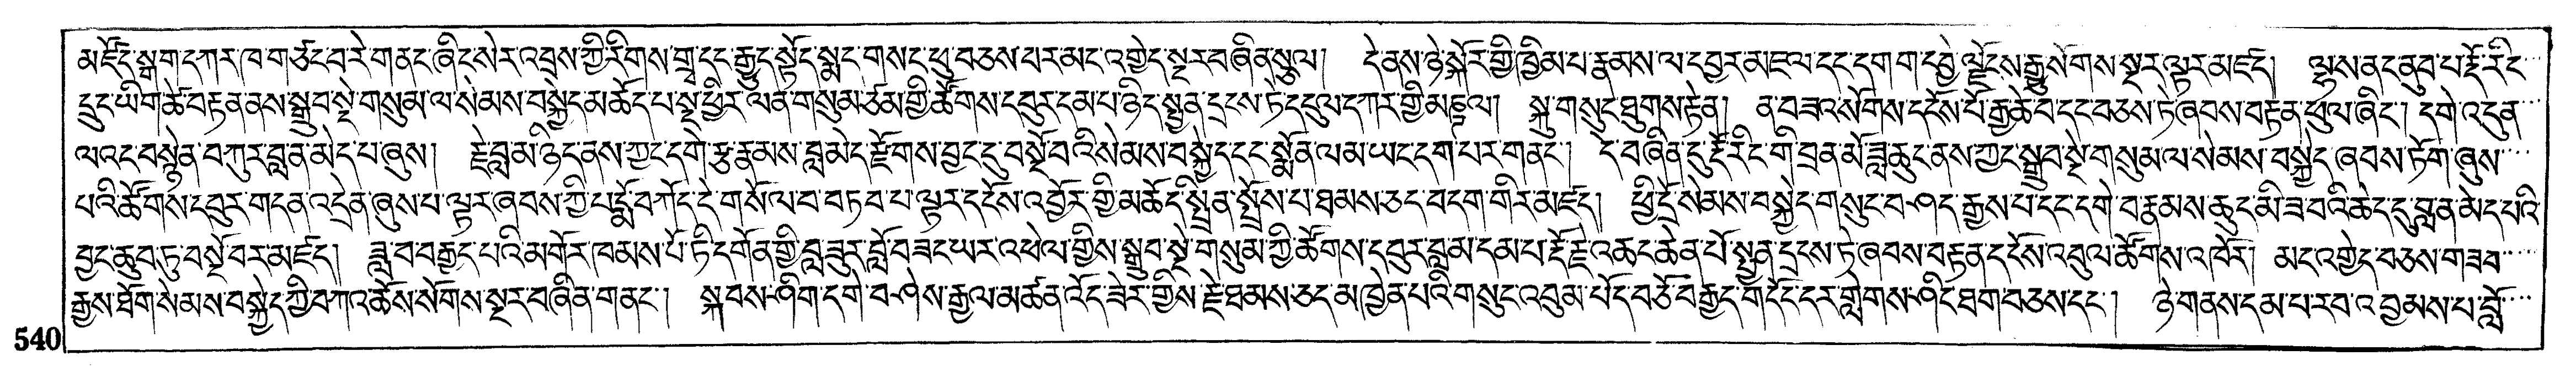མཛོད་སྒག་དཀར་ཁ་གཙང་བ་རེ་གནང་ཞིང་སེར་འབྲས་ཀྱི་རིགས་གྲྭ་དང་རྒྱུད་སྟོད་སྨད་གསང་ཕུ་བཅས་པར་མང་འགྱེད་སྔར་བཞིན་སྩལ། དེ་ནས་ཉེ་སྐོར་གྱི་ཁྱིམ་པ་རྣམས་ལ་དབྱར་མཇལ་དང་དགག་དབྱེ་ལྗོངས་རྒྱུ་སོགས་སྔར་ལྟར་མཛད། ལྷ་ས་ནང་ནུབ་པ་རྡོ་རིང་
དྲུང་ཡིག་ཚེ་བརྟན་ནས་སྒྲུབ་སྡེ་གསུམ་ལ་སེམས་བསྐྱེད་མཆོད་པ་སྔ་ཕྱིར་ལན་གསུམ་ཙམ་གྱི་ཚོགས་དབུར་དམ་པ་ཉིད་སྤྱན་དྲངས་ཏེ་དངུལ་དཀར་གྱི་མཎྜལ། སྐུ་གསུང་ཐུགས་རྟེན། ན་བཟའ་སོགས་དངོས་པོ་རྒྱ་ཆེ་བ་དྲང་བཅས་ཏེ་ཞབས་བརྟན་ཕུལ་ཞིང་། དགེ་འདུན་
ལའང་བསྙེན་བཀུར་བླ་ན་མེད་པ་ཞུས། རྗེ་བླ་མ་ཉིད་ནས་ཀྱང་དགེ་རྩ་རྣམས་བླ་མེད་རྫོགས་བྱང་དུ་བསྔོ་བའི་སེམས་བསྐྱེད་དང་སྨོན་ལམ་ཡང་དག་པར་གནང་། དེ་བཞིན་དུ་རྡོ་རིང་གི་བྲན་མོ་ཟླ་ཆུང་ནས་ཀྱང་སྒྲུབ་སྔ་གསུམ་ལ་སེམས་བསྐྱེད་ཞབས་ཏོག་ཞུས་
པའི་ཚོགས་དབུར་གདན་འདྲེན་ཞུས་པ་ལྟར་ཞབས་ཀྱི་པདམོ་བཀོད་དེ་གསོལ་བ་བཏབ་པ་ལྟར་དངོས་འབྱོར་གྱི་མཆོད་སྤྲིན་སྦྲོས་པ་ཐམས་ཅད་བདག་གིར་མཛད། ཕྱི་དྲོ་སེམས་བསྐྱེད་གསུང་བཤད་རྒྱས་པ་དང་དགེ་བ་རྣམས་ཆུད་མི་ཟ་བའི་ཆེད་དུ་བླ་ན་མེད་བའི་
བྱང་ཆུབ་ཏུ་བསྔོ་བར་མཛད། ཟླ་བ་བརྒྱད་པའི་མགོར་ཁམས་པོ་ཏི་དགོན་གྱི་བླ་ཟུར་བློ་བཟང་ཡར་འཕེལ་གྱིས་སྒྲུབ་སྡེ་གསུམ་གྱི་ཚོགས་དབུར་བླ་མ་དམ་པ་རྡོ་རྗེ་འཆང་ཆེན་པོ་སྤྱན་དྲངས་ཏེ་ཞབས་བརྟན་དངོས་འབུལ་ཚོགས་འཁོར། མང་འགྱེད་བཅས་གཟབ་
རྒྱས་ཐོག་སེམས་བསྐྱད་ཀྱི་བཀའ་ཆོས་སོགས་སྔར་བཞིན་གནང་། སྐབས་ཤིག་དགེ་བཤེས་རྒྱལ་མཚན་འོད་ཟེར་གྱིས་རྗེ་ཐམས་ཅད་མཁྱེན་པའི་གསུང་འབུམ་པོད་བཅོ་བརྒྱད་གདོང་དར་གླེགས་ཤིང་ཐག་བཅས་དང་། ཉེ་གནས་དམ་པ་རབ་འབྱམས་པ་བློ་